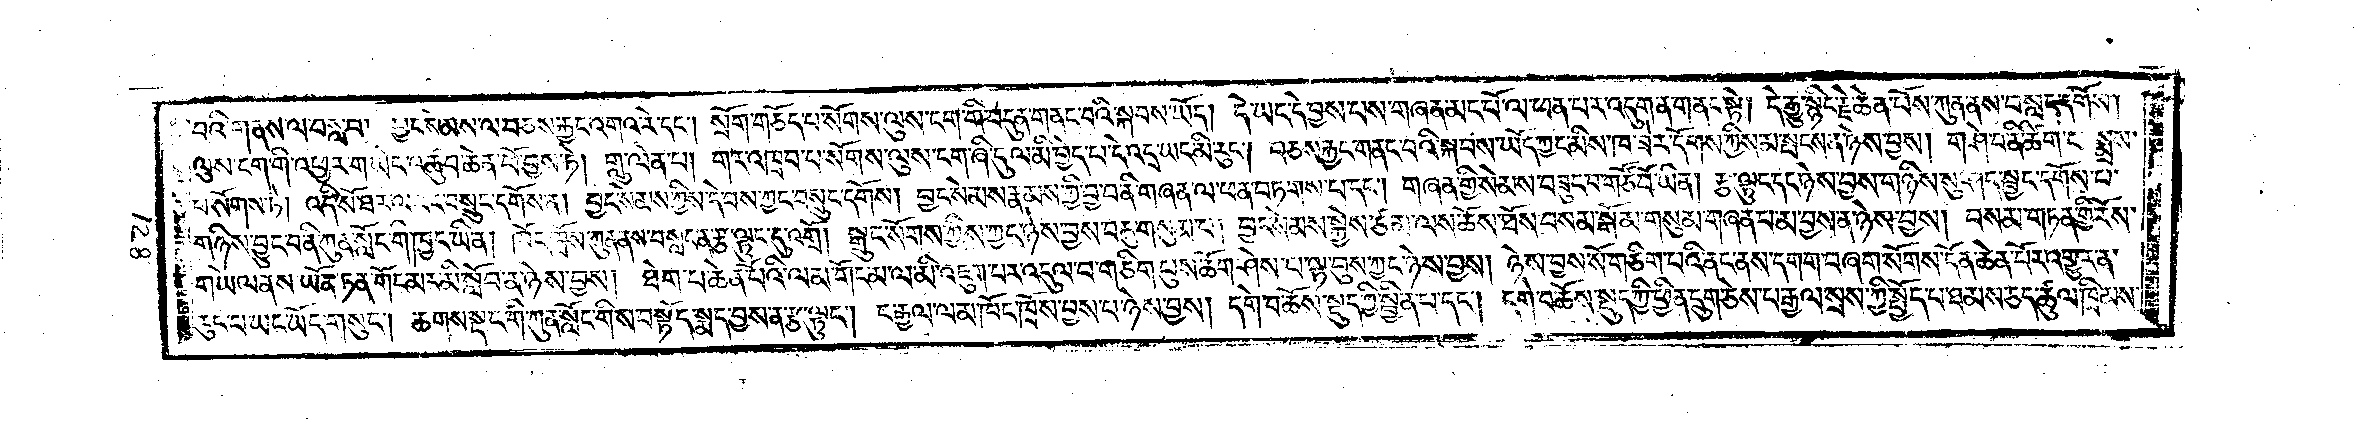བའི་གནས་ལ་བསླབ། བྱང་སེམས་ལ་བཅས་རྐྱང་འགའ་རེ་དང་། སྲོག་གཅོད་པ་སོགས་ལུས་ངག་གི་བདུན་གནང་བའི་སྐབས་ཡོད། དེ་ཡང་དེ་བྱས་པས་གཞན་མང་པོ་ལ་ཕན་པར་འདུག་ན་གནང་སྟེ། དེ་རྒྱུ་སྙིང་རྗེ་ཆེན་པོས་ཀུན་ནས་བ་སླང་དགོས།
ལུས་ངག་གི་འཕྱར་གཡེང་འཚུབ་ཆེན་པོ་བྱས་ཏེ། གླུ་ལེན་པ། གར་འཁྲབ་པ་སོགས་ལུས་ངག་ཞི་དུལ་མི་བྱེད་པ་དེ་འདྲ་ཡང་མི་རུང་། བཅས་རྐྱང་གནང་བའི་སྐབས་ཡོད་ཀྱང་མིས་ཁ་ཟེར་དོགས་ཀྱིས་མ་སྤངས་ན་ཉེས་བྱས། གཤེ་བ་ནི་ཚིག་ངན་སྨྲས་
པ་སོགས་ཏེ། འདི་སོ་ཐར་ལའང་བསྲུང་དགོས་ན། བྱང་སེམས་ཀྱིས་དེ་བས་ཀྱང་བསྲུང་དགོས། བྱང་སེམས་རྣམས་ཀྱི་བྱ་བ་ནི་གཞན་ལ་ཕན་བཏགས་པ་དང་། གཞན་གྱི་སེམས་བཟུང་བ་གཙོ་བོ་ཡིན། རྩ་ལྟུང་དང་ཉེས་བྱས་གཉིས་སུ་ཤད་སྦྱང་དགོས་པ་
གཉིས་བྱུང་བ་ནི་ཀུན་སློང་གི་ཁྱད་ཡིན། ཁོང་ཁྲོས་ཀུན་ནས་བསླང་ན་རྩ་ལྟུང་དུ་འགྲོ། སྒྲུང་སོགས་ཀྱིས་ཀྱང་ཉེས་བྱས་བཅུ་གསུམ་པ། བྱང་སེམས་སྐྱེས་ཙམ་ལས་ཆོས་ཐོས་བསམ་སྒོམ་གསུམ་གཞན་པ་མ་བྱས་ན་ཉེས་བྱས། བསམ་གཏན་གྱི་རོས་
གཡེལ་ནས་ཡོན་ཏན་གོང་མར་མི་སློབ་ན་ཉེས་བྱས། ཐེག་པ་ཆེན་པོའི་ལམ་གོང་མ་ལ་མི་འཇུག་པར་འདུལ་བ་གཅིག་པུས་ཆོག་ཤེས་པ་ལྟ་བུས་ཀྱང་ཉེས་བྱས། ཉེས་བྱས་སོ་གཅིག་པའི་ནང་ནས་དགག་བཞག་སོགས་དོན་ཆེན་པོར་འགྱུར་ན་
རུང་བ་ཡང་ཡོད་གསུང་། ཆགས་སྡང་གི་ཀུན་སློང་གིས་བསྟོད་སྨད་བྱས་ན་རྩ་ལྟུང་། ང་རྒྱལ་ལམ་ཁོང་ཁྲོས་བྱས་པ་ཉེས་བྱས། དགེ་བ་ཆོས་སྡུད་ཀྱི་སྦྱིན་པ་དང་། དགེ་བ་ཆོས་སྡུད་ཀྱི་ཕྱིན་དྲུག་ཅེས་པ་རྒྱལ་སྲས་ཀྱི་སྤྱོད་མ་ཐམས་ཅད་ཚུལ་ཁྲིམས་